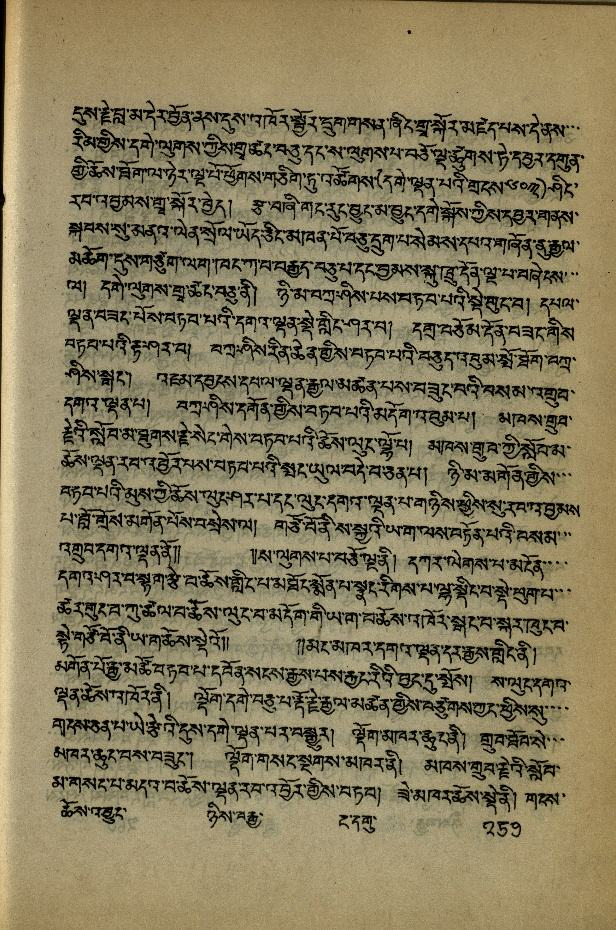དུས་རྗེ་བླ་མ་དེར་བྱོན་ནས་དུས་འཁོར་སྦྱོར་དྲུག་གསན་ཞིང་གྲྭ་སྐོར་མཛད་པས་དེ་ནས་
རིམ་གྱིས་དགེ་ལུགས་ཀྱིས་གྲྭ་ཚང་བཅུད་དང་ས་ལུགས་པ་བཅོ་ལྔ་ཚུགས་ཏེ་དབྱར་དགུན་
གྱི་ཆོས་ཐོག་ལ་ཉེར་ལྔ་པོ་ཕྱོགས་གཅིག་ཏུ་འཚོགས་དགེ་ལྡན་པའི་གྲངས ༦༠༣་ཤིང་
རབ་འབྱམས་གྲྭ་སྐོར་བྱེད། རྩ་བཞི་གང་རུང་བྱུང་མ་བྱུང་དགེ་སྐོས་ཀྱིས་དབྱར་གནས་
སྐབས་སུ་མནའ་ལེན་སྲོལ་ཡོད་ཅིང་མཁན་པོ་བཅུ་དྲུག་པ་སེམས་དཔའ་གཞོན་ནུ་རྒྱལ་
མཆོག་དུས་གཙུག་ལག་ཁང་ཀ་བ་བརྒྱད་བཅུ་པ་དང་བྱམས་སྐུ་ཁྲུ་དོན་ལྔ་པ་བཞེངས་
ལ། དགེ་ལུགས་གྲྭ་ཚང་བཅུ་ནི། ཉི་མ་བཀྲ་ཤིས་པས་བཏབ་པའི་སྡེ་གུང་བ། དཔལ་
ལྡན་བཟང་པོས་བཏབ་པའི་དགའ་ལྡན་སྡེ་གླིང་ཤར་བ། དགྲ་བཅོམ་དོན་བཟང་གིས་
བཏབ་པའི་རྟ་ཤར་བ། བཀྲ་ཤིས་རིན་ཆེན་གྱིས་བཏབ་པའི་བཅུད་འབུམ་སྤོ་ཐོག་བཀྲ་
ཤིས་སྒང་། འཇམ་དབྱངས་དཔལ་ལྡན་རྒྱལ་མཚན་པས་བཟུང་བའི་བསམ་འགྲུབ་
དགའ་ལྡན་པ། བཀྲ་ཤིས་དགོན་གྱིས་བཏབ་པའི་མདོག་འབུམ་པ། མཁས་གྲུབ་
རྗེའི་སློབ་མ་ཐུགས་རྗེ་སེང་གེས་བཏབ་པའི་ཆོས་ལུང་ལྷོ་པ། མཁས་གྲུབ་ཀྱི་སློབ་མ་
ཆོས་ལྡན་བྲབ་འབྱོར་པས་བཏབ་པའི་སྤང་ཡུལ་བདེ་བ་ཅན་པ། ཉི་མ་མགོན་གྱིས་
བཏབ་པའི་མུས་ཀྱི་ཆོས་ལུང་ཤར་པ་དང་ལུང་དགའ་ལྡན་པ་གཉིས་ཕྱིས་སུ་རབ་འབྱམས་
པ་བློ་གྲོས་མགོན་པོས་བསྲེས་ལ། གཙོ་བོ་ནི་ས་སྐྱའི་ཡ་ག་ལས་བཏོན་པའི་བསམ་
འགྲུབ་དགའ་ལྡན་ནོ།། །།ས་ལུགས་པ་བཅོ་ལྔ་ནི། དཀར་ལེགས་པ་མངོན་
དགའ་ཤར་བ་སྟག་རྩེ་བ་ཆོས་གླིང་པ་མཐོང་སྨོན་པ་སྣང་རིགས་པ་ལྷ་སྡིང་བ་སྡེ་ཕུག་པ་
ཚར་དགུང་བ་ཀུ་ཚལ་བ་ཆོས་ལུང་བ་མདོག་གི་ཡ་ག་བ་ཆོས་འཁོར་སྒང་བ་སྐར་ཁུང་བ་
སྟེ་གཙོ་བོ་ནི་ཡ་ག་ཆོས་སྡེའོ།། །།མང་མཁར་དགའ་ལྡན་དར་རྒྱས་གླིང་ནི།
མགོན་པོ་རྒྱ་མཚོ་བཏབ་པ་དབོན་སངས་རྒྱས་པས་རྐྱང་རིའི་བྱང་དུ་སྤོས། ས་ལུང་དགའ་
ལྡན་ཆོས་འཁོར་ནི། ལྡོག་དགེ་བཅུ་པ་རྡོ་རྗེ་རྒྱལ་མཚན་གྱིས་བཙུགས་ཀྱང་ཕྱིས་སུ་
གངས་ཅན་པ་ཡེ་རྩེའི་དུས་དགེ་ལྡན་པར་བསྒྱུར། ལྡོག་མཁར་ཆུང་ནི། གྲུབ་ཐོབ་སེ་
མཁར་ཆུང་བས་བཟུང་། ལྡོག་གསང་སྔགས་མཁར་ནི། མཁས་གྲུབ་རྗེའི་སློབ་
མ་གསང་པ་མདའ་བ་ཆོས་ལྡན་རབ་འབྱོར་གྱིས་བཏབ། ཟེ་མཁར་ཆོས་སྡེ་ནི། གངས་